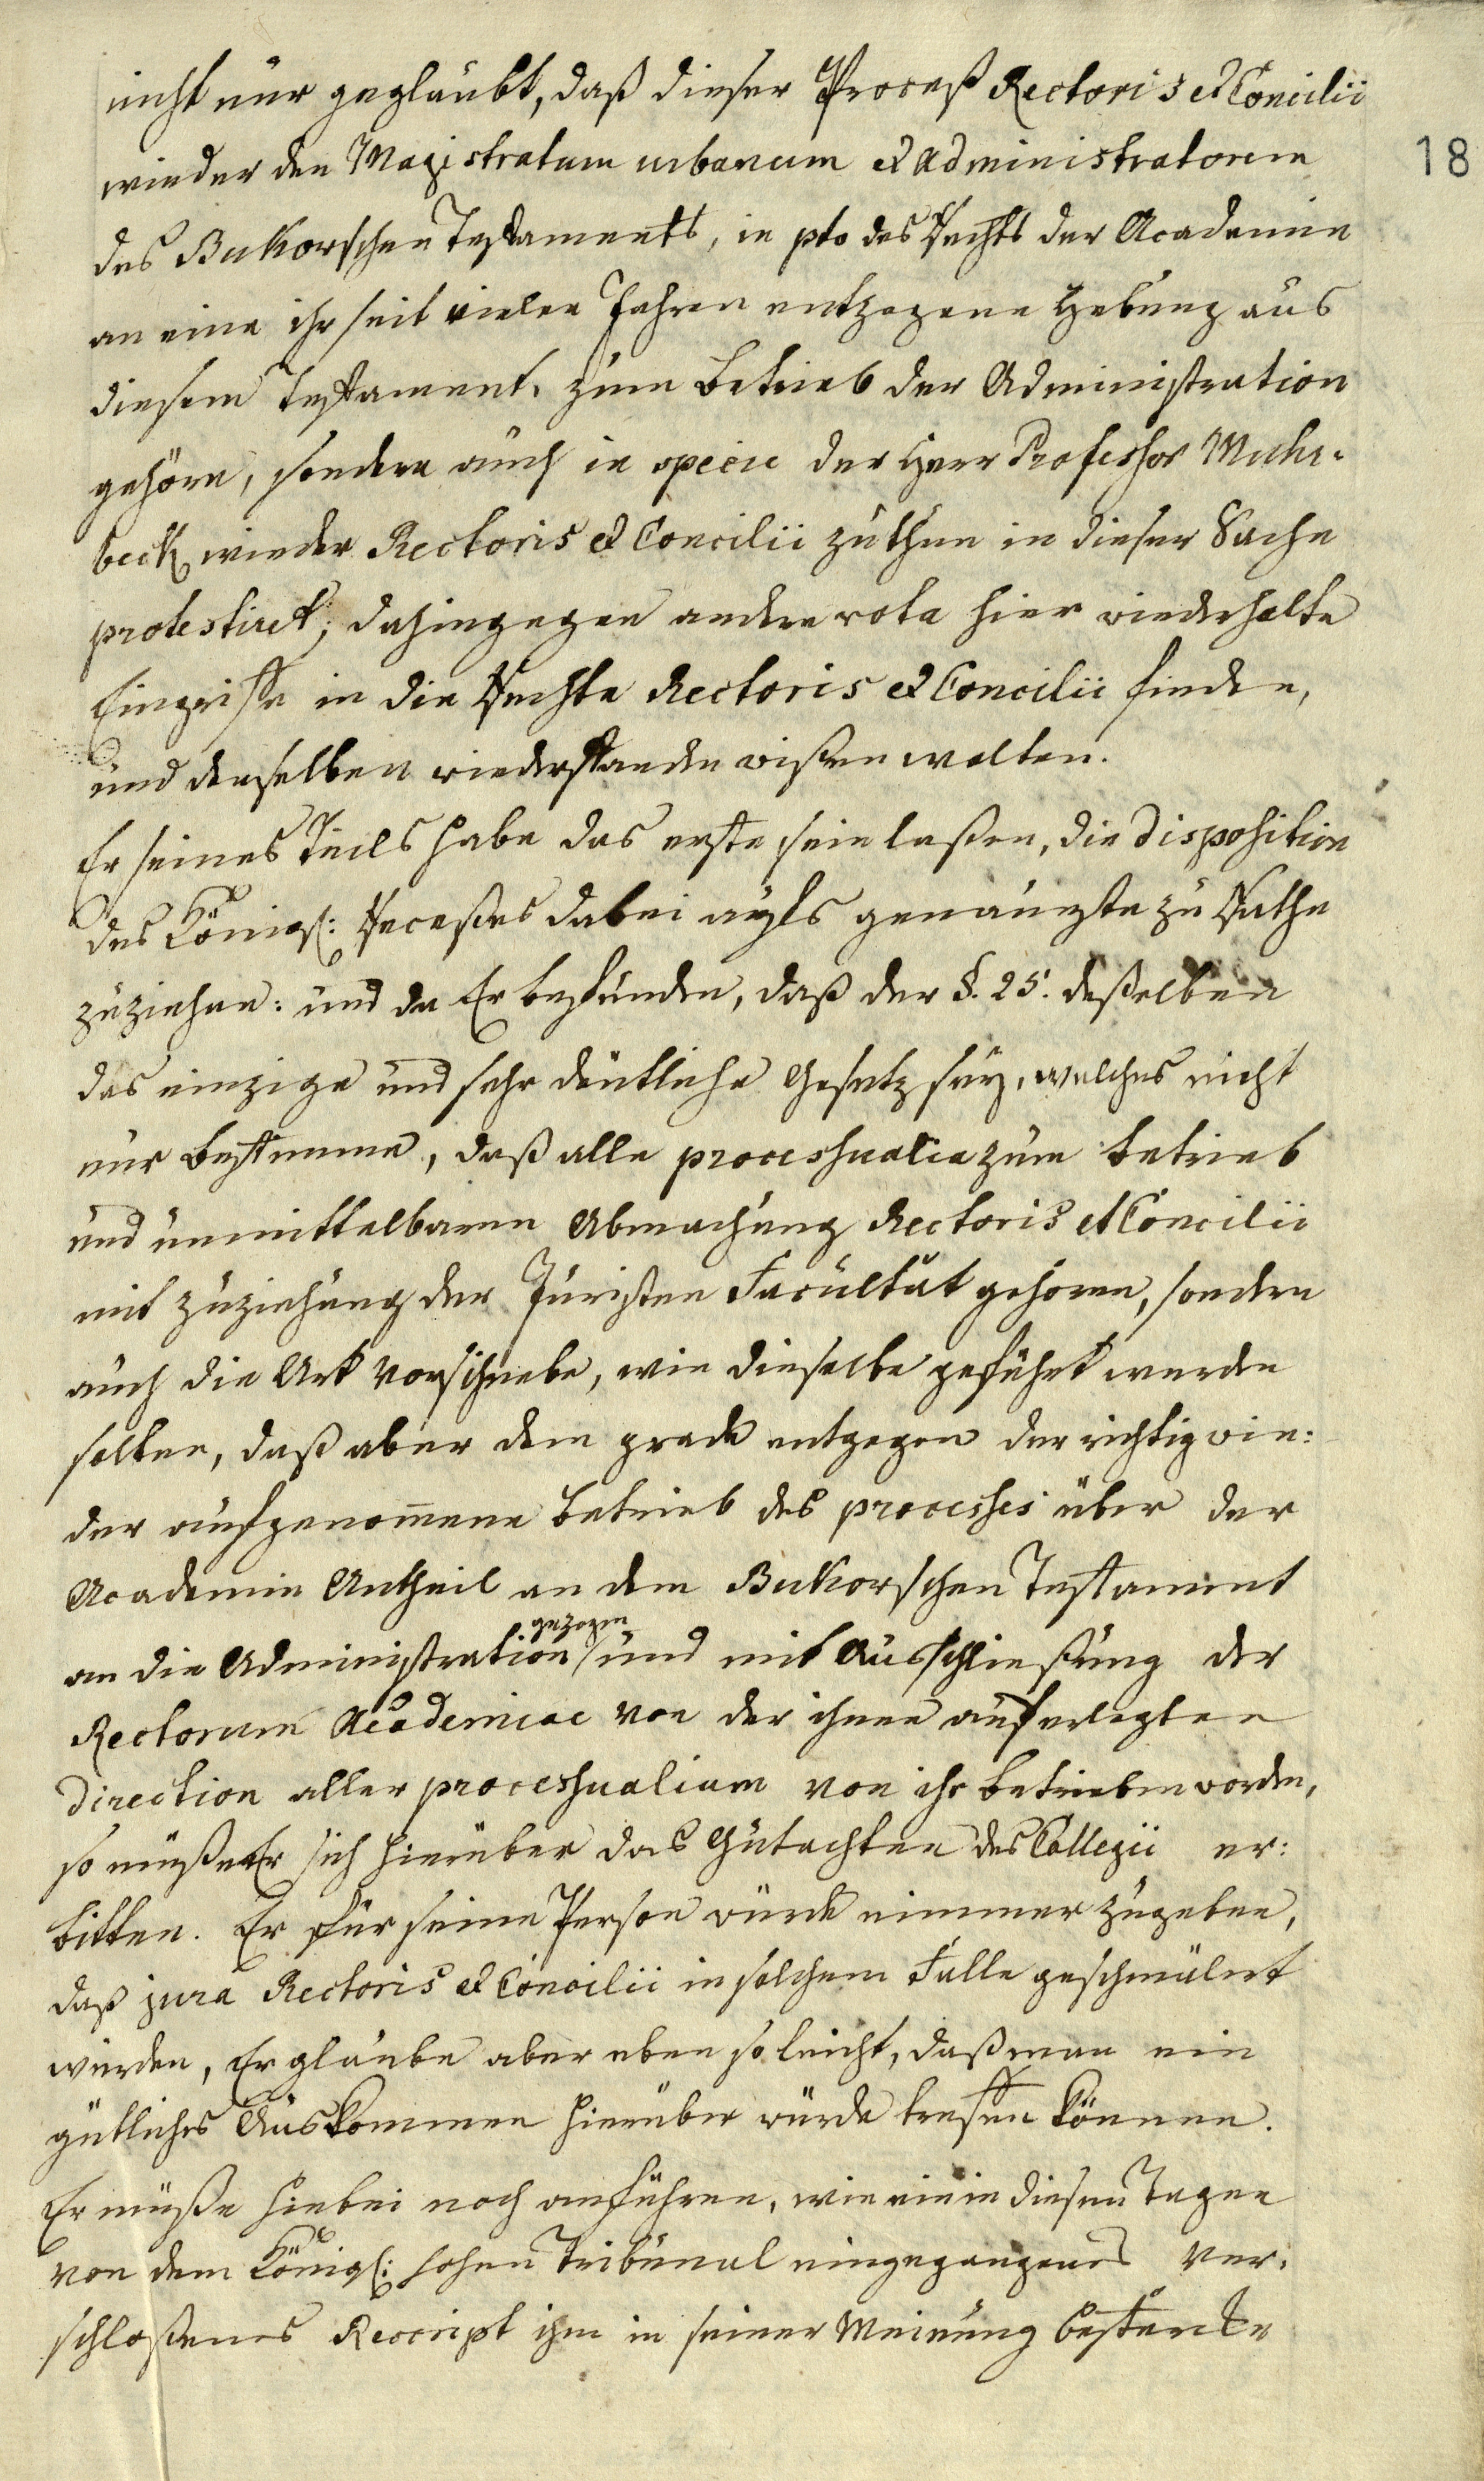nicht nur geglaubt, daß dieser Proceß Rectoris et Concilii
wieder den Magistratum urbarum et Administratorem
des BukowschenTestaments, in pto des Rechts der Academie
an eine ihr seit vielen Jahren entzogene Hebung aus
diesem Testament, zum Betrieb der Administration
gehöre, sondern auch in specie der Herr Professor Muhr¬
beck wieder Rectoris et Concilii zuthun in dieser Sache
protestiret; dahingegen andere vota hier wiederholte
Eingriffe in die Rechte Rectoris et Concilii finden,
und denselben wiederstanden wißen wolten.
Er seines Teils habe das erste sein laßen, die disposition
des Königl. Receßes dabei aufs genaueste zu Rathe
zuziehen, und da Er befunden, daß der § 25. deßelben
das einzige und sehr deutliche Gesetz seÿ, welches nicht
nur bestimme, daß alle processualia zum Betrieb
und unmittelbaren Abmachung Rectoris et Concilii
mit Zuziehung derJuristen Facultät gehören, sondern
auch die Art vorschriebe, wie dieselbe geführt werden
solten, daß aber dem grade entgegen der richtig wie¬
der aufgenommene Betrieb des processes über der
Academie Antheil an dem Bukowschen Testament
an die Administration gezogen und mit Ausschließung der
Rectorum Academiae von der ihnen auferlegten
direction aller processualium von ihr betrieben worden,
so müße Er sich hierüber das Gutachten des Collegii er¬
bitten. Er für seine Person würde nimmer zugeben,
daß jura Rectoris et Concilii in solchem Falle geschmälert
würden, Er glaube aber eben so leicht, daß man ein
gütliches Auskommen hierüber würde treffen können.
Er müße hiebei noch anführen, wie ein in diesen Tagen
von dem Königl. hohen Tribunal eingegangenes ver¬
schloßenes Rescript ihm in seiner Meinung bestercke